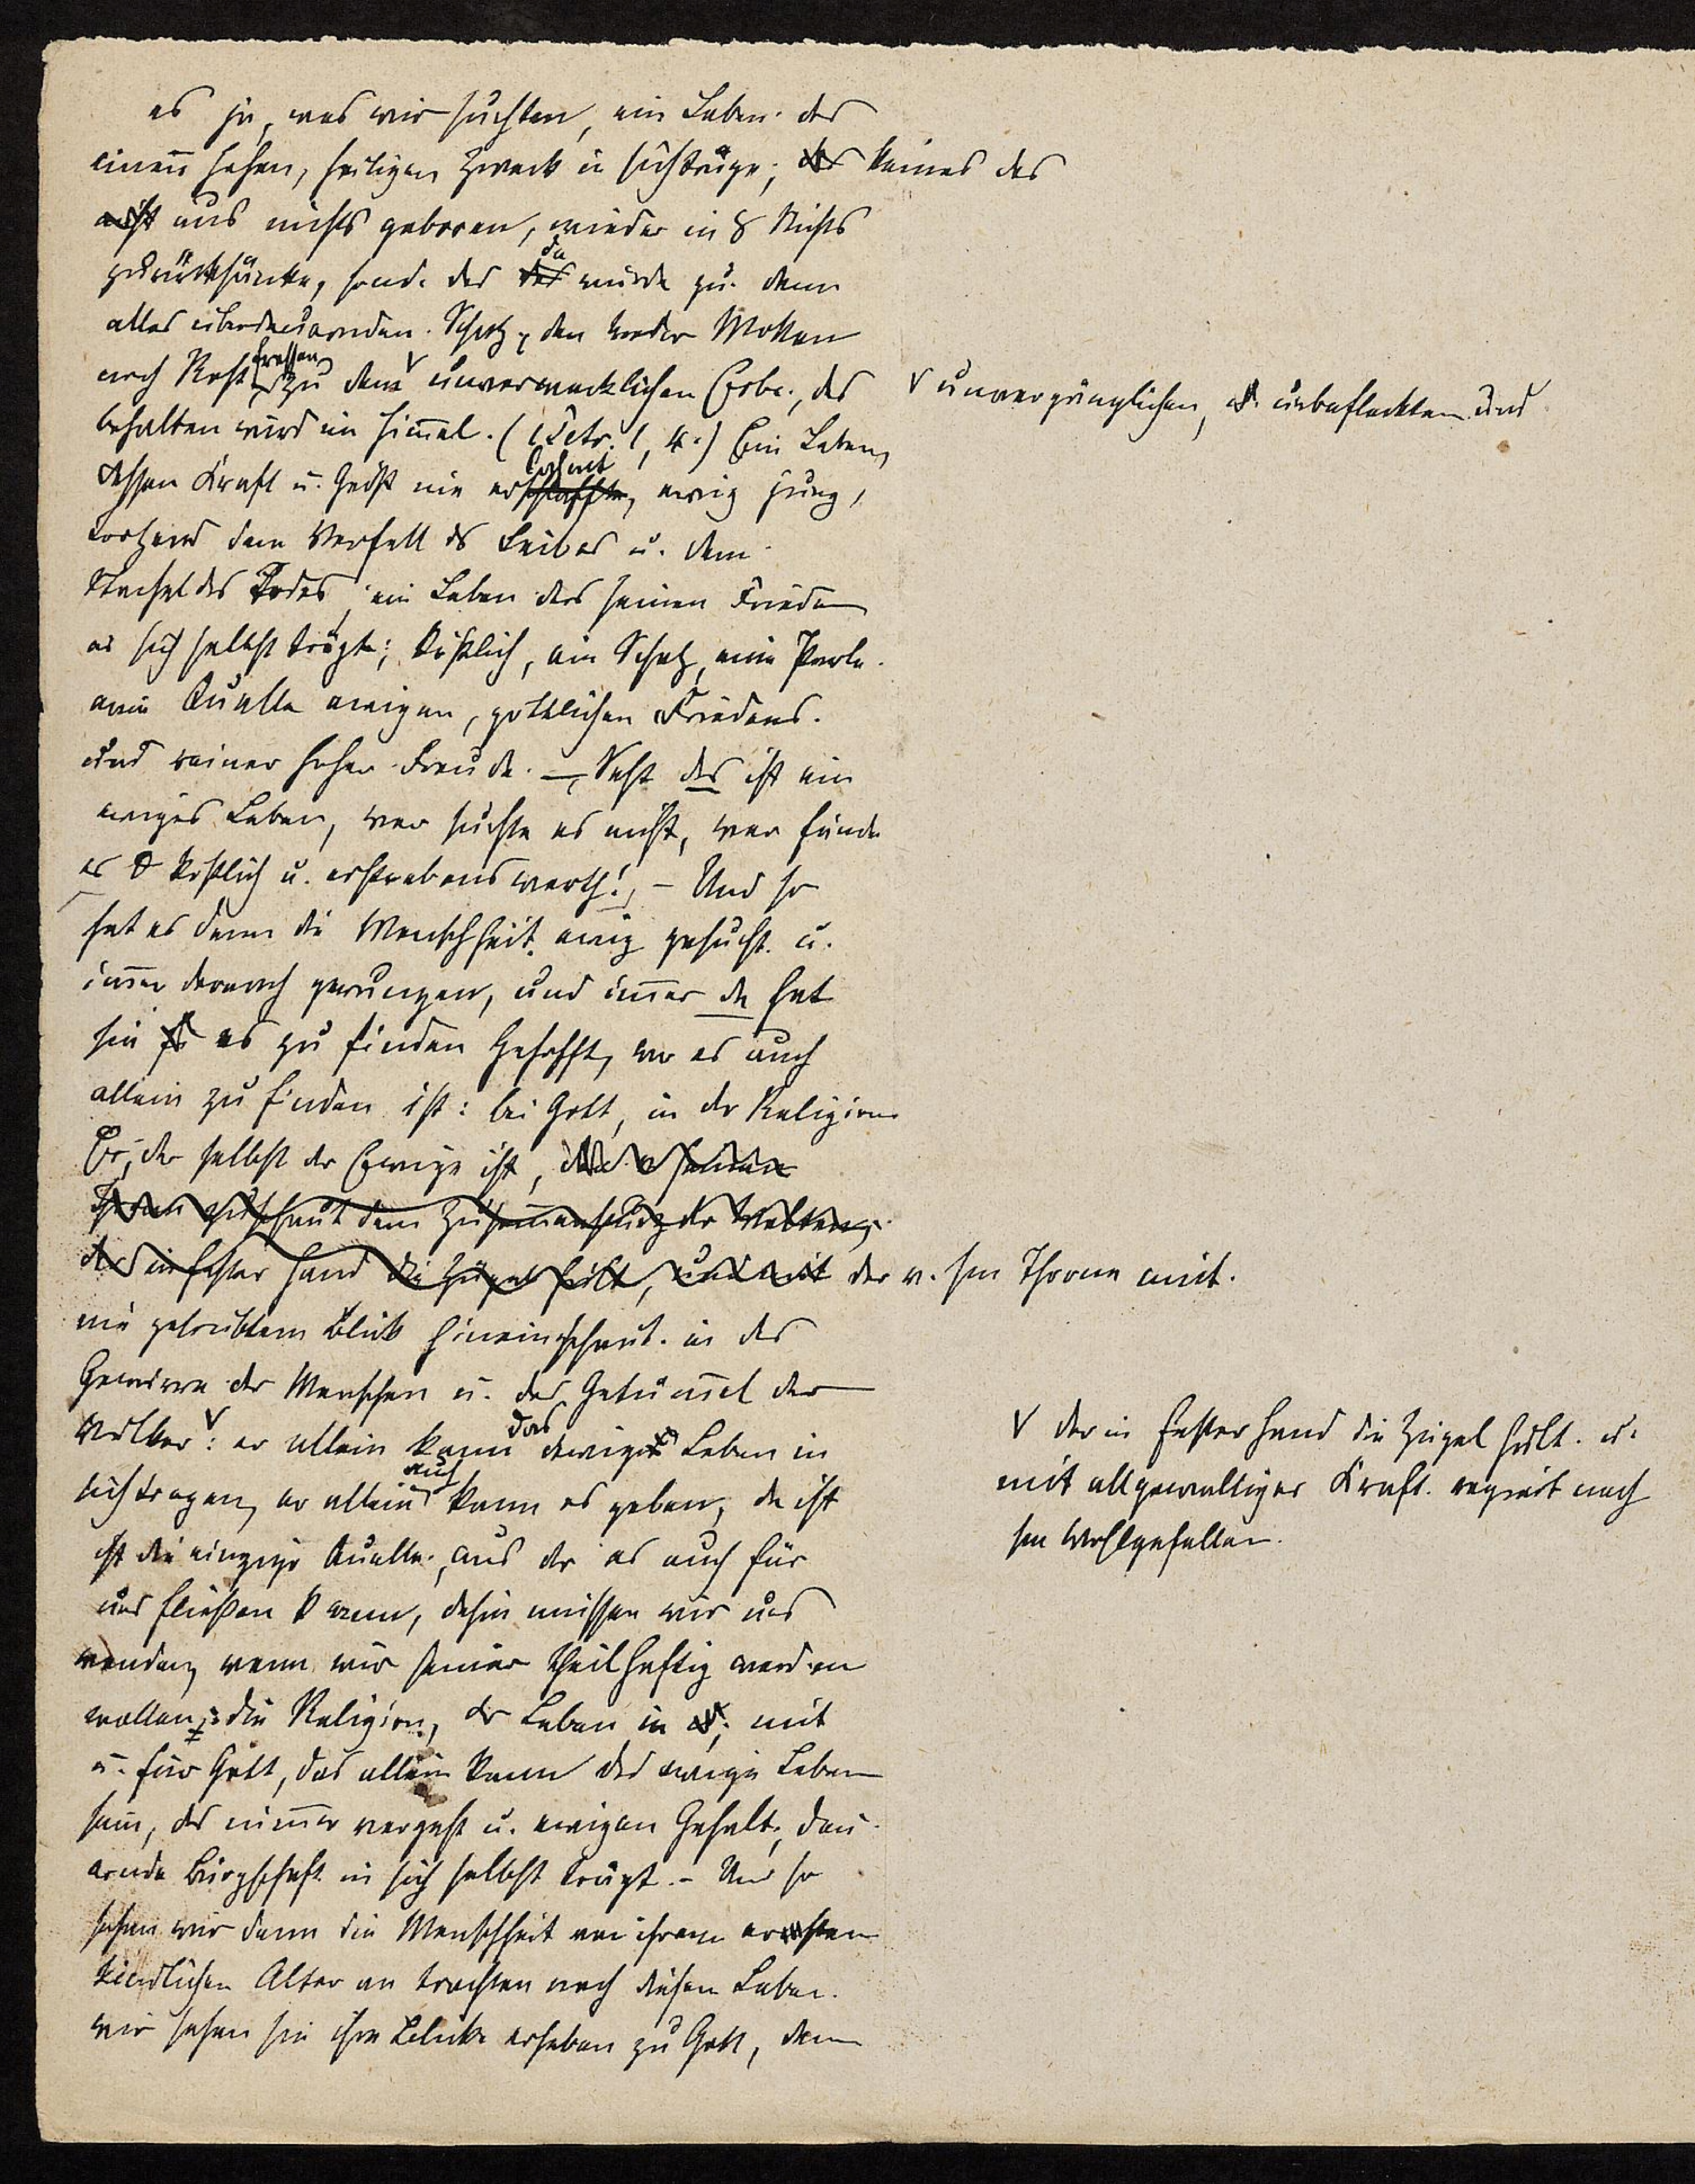es ja, was wir suchten, ein Leben das
einen hohen, heiligen Zweck in sich trage, das keines des
nicht aus nichts geboren, wieder in's Nichts
zurücksänke, sond. der des würde zu dem
alles überdauernden. Schatz , den weder Motten
noch Rost de dee unwermnckelichen Erbe, ds
fressen
V unvergänglichen, d. unbefleckten und
behalten wird im Himel (1 Petr. 1,4.) Ein Leben,
lahmt
dessen Kraft u. Geist ein erschlaffte, ewig jung,
trotzend dem Verfall ds Leibes u. dem
Stachel des Todes, ein Leben das seinen Frieden
in sich selbst trägte; köstlich, ein Schatz, eine Perle.
eine Quelle ewinigen, göttlichen Friedens.
und reiner hoher Freude _ Seht ds ist ein
ewiges Leben, wer suchte es nicht, wer fände
es o köstlich u. erstrebenswerth! - Und so
hat es dann die Menschheit weig gesucht u.
imer dernach gerungen, und imer da hat
sie fr es zu finden Gehofft, wo es auch
allein zu finden ist: bei Gott, in dr Religien
Er, dr selbst dr Ewige ist, der v. seinem
Throne zuschaut dem Zusamensturz der Welten,
der in fester Hand die Zügel hält, und mit der v. sm Thranm mit
nie getrübtem Blick hineinschaut. in das
Gewirre der Menschen u. das Getümel der
das
V der in fester Hand die Zeigel hält u.
Völker: er allein kann ewiges Leben in
mit allgewaltiger Kraft. regiert nach
sich tragen, er allein kann es geben, da ist
sm Wohlgefallen
ist die einzige Quelle, aus dr es auch für
uns fließen kann, dahin müssen wir uns
wenden, wenn wir seiner theilhaftig werden
wollen: die Religion, ds Leben in od. mit
u. für Gott, das allein kann das ewige Leben
sein, des nimer vergeht u. ewigen Gehalt; dau¬
ernde Büngschaft in sich selbst trägt. Und so
sehen wir denn die Menschheit vor ihrem ernsten
kindlichen Alter an trachten nach diesem Leben
wir sehen sie ihre Blicke erheben zu Gott, dem